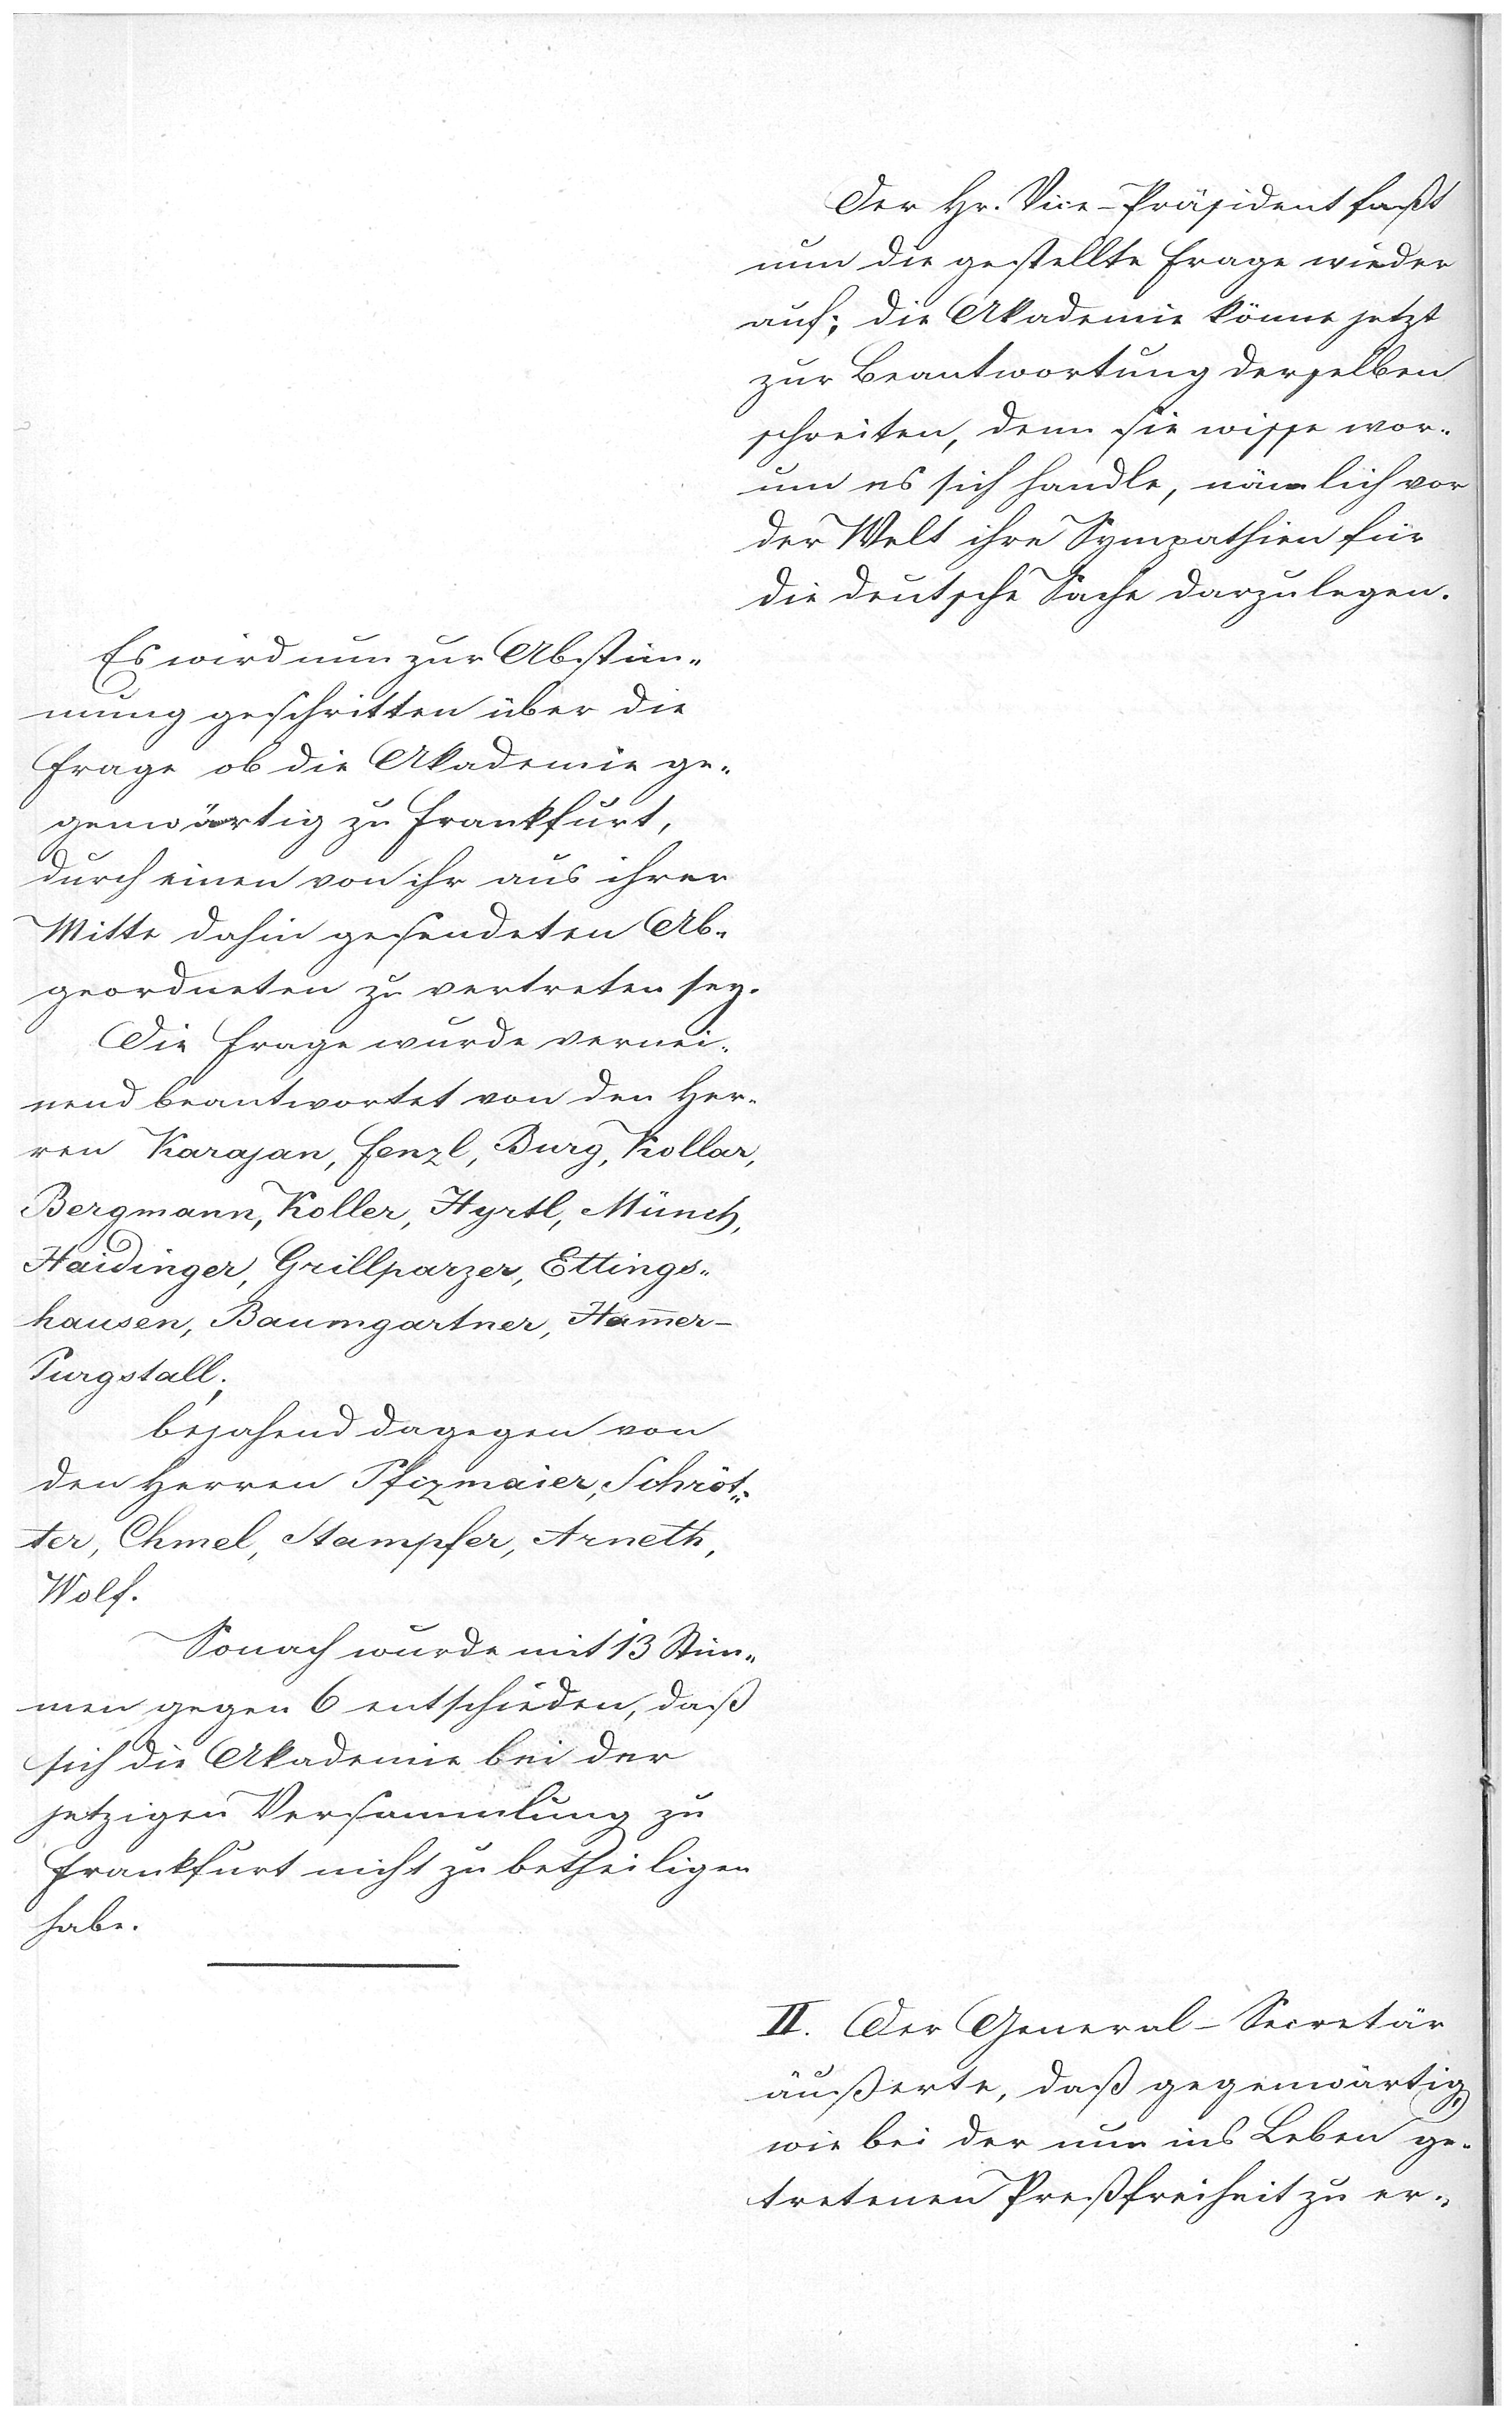Der Hr. Vice-Präsident faßt
nun die gestellte Frage wieder
auf; die Akademie könne jetzt
zur Beantwortung derselben
schreiten, denn sie wisse wor-
um es sich handle, nämlich vor
der Welt ihre Sympathien für
die deutsche Sache darzulegen.
Es wird nun zur Abstim-
mung geschritten über die
Frage ob die Akademie ge-
genwärtig zu Frankfurt,
durch einen von ihr aus ihrer
Mitte dahin gesendeten Ab-
geordneten zu vertreten sey.
Die Frage wurde vernei-
nend beantwortet von den Her-
ren Karajan, Fenzl, Burg, Kollar,
Bergmann, Koller, Hyrtl, Münch,
Haidinger, Grillparzer, Ettings-
hausen, Baumgartner, Hammer-
Purgstall;
bejahend dagegen von
den Herren Pfizmaier Schröt-
ter, Chmel, Stampfer, Arneth,
Wolf.
Sonach wurde mit 13 Stim-
men gegen 6 entschieden, daß
sich die Akademie bei der
jetzigen Versammlung zu
Frankfurt nicht zu betheiligen
habe.
II. Der General-Secretär
äußerte, daß gegenwärtig,
wie bei der nun ins Leben ge-
tretenen Preßfreiheit zu er-